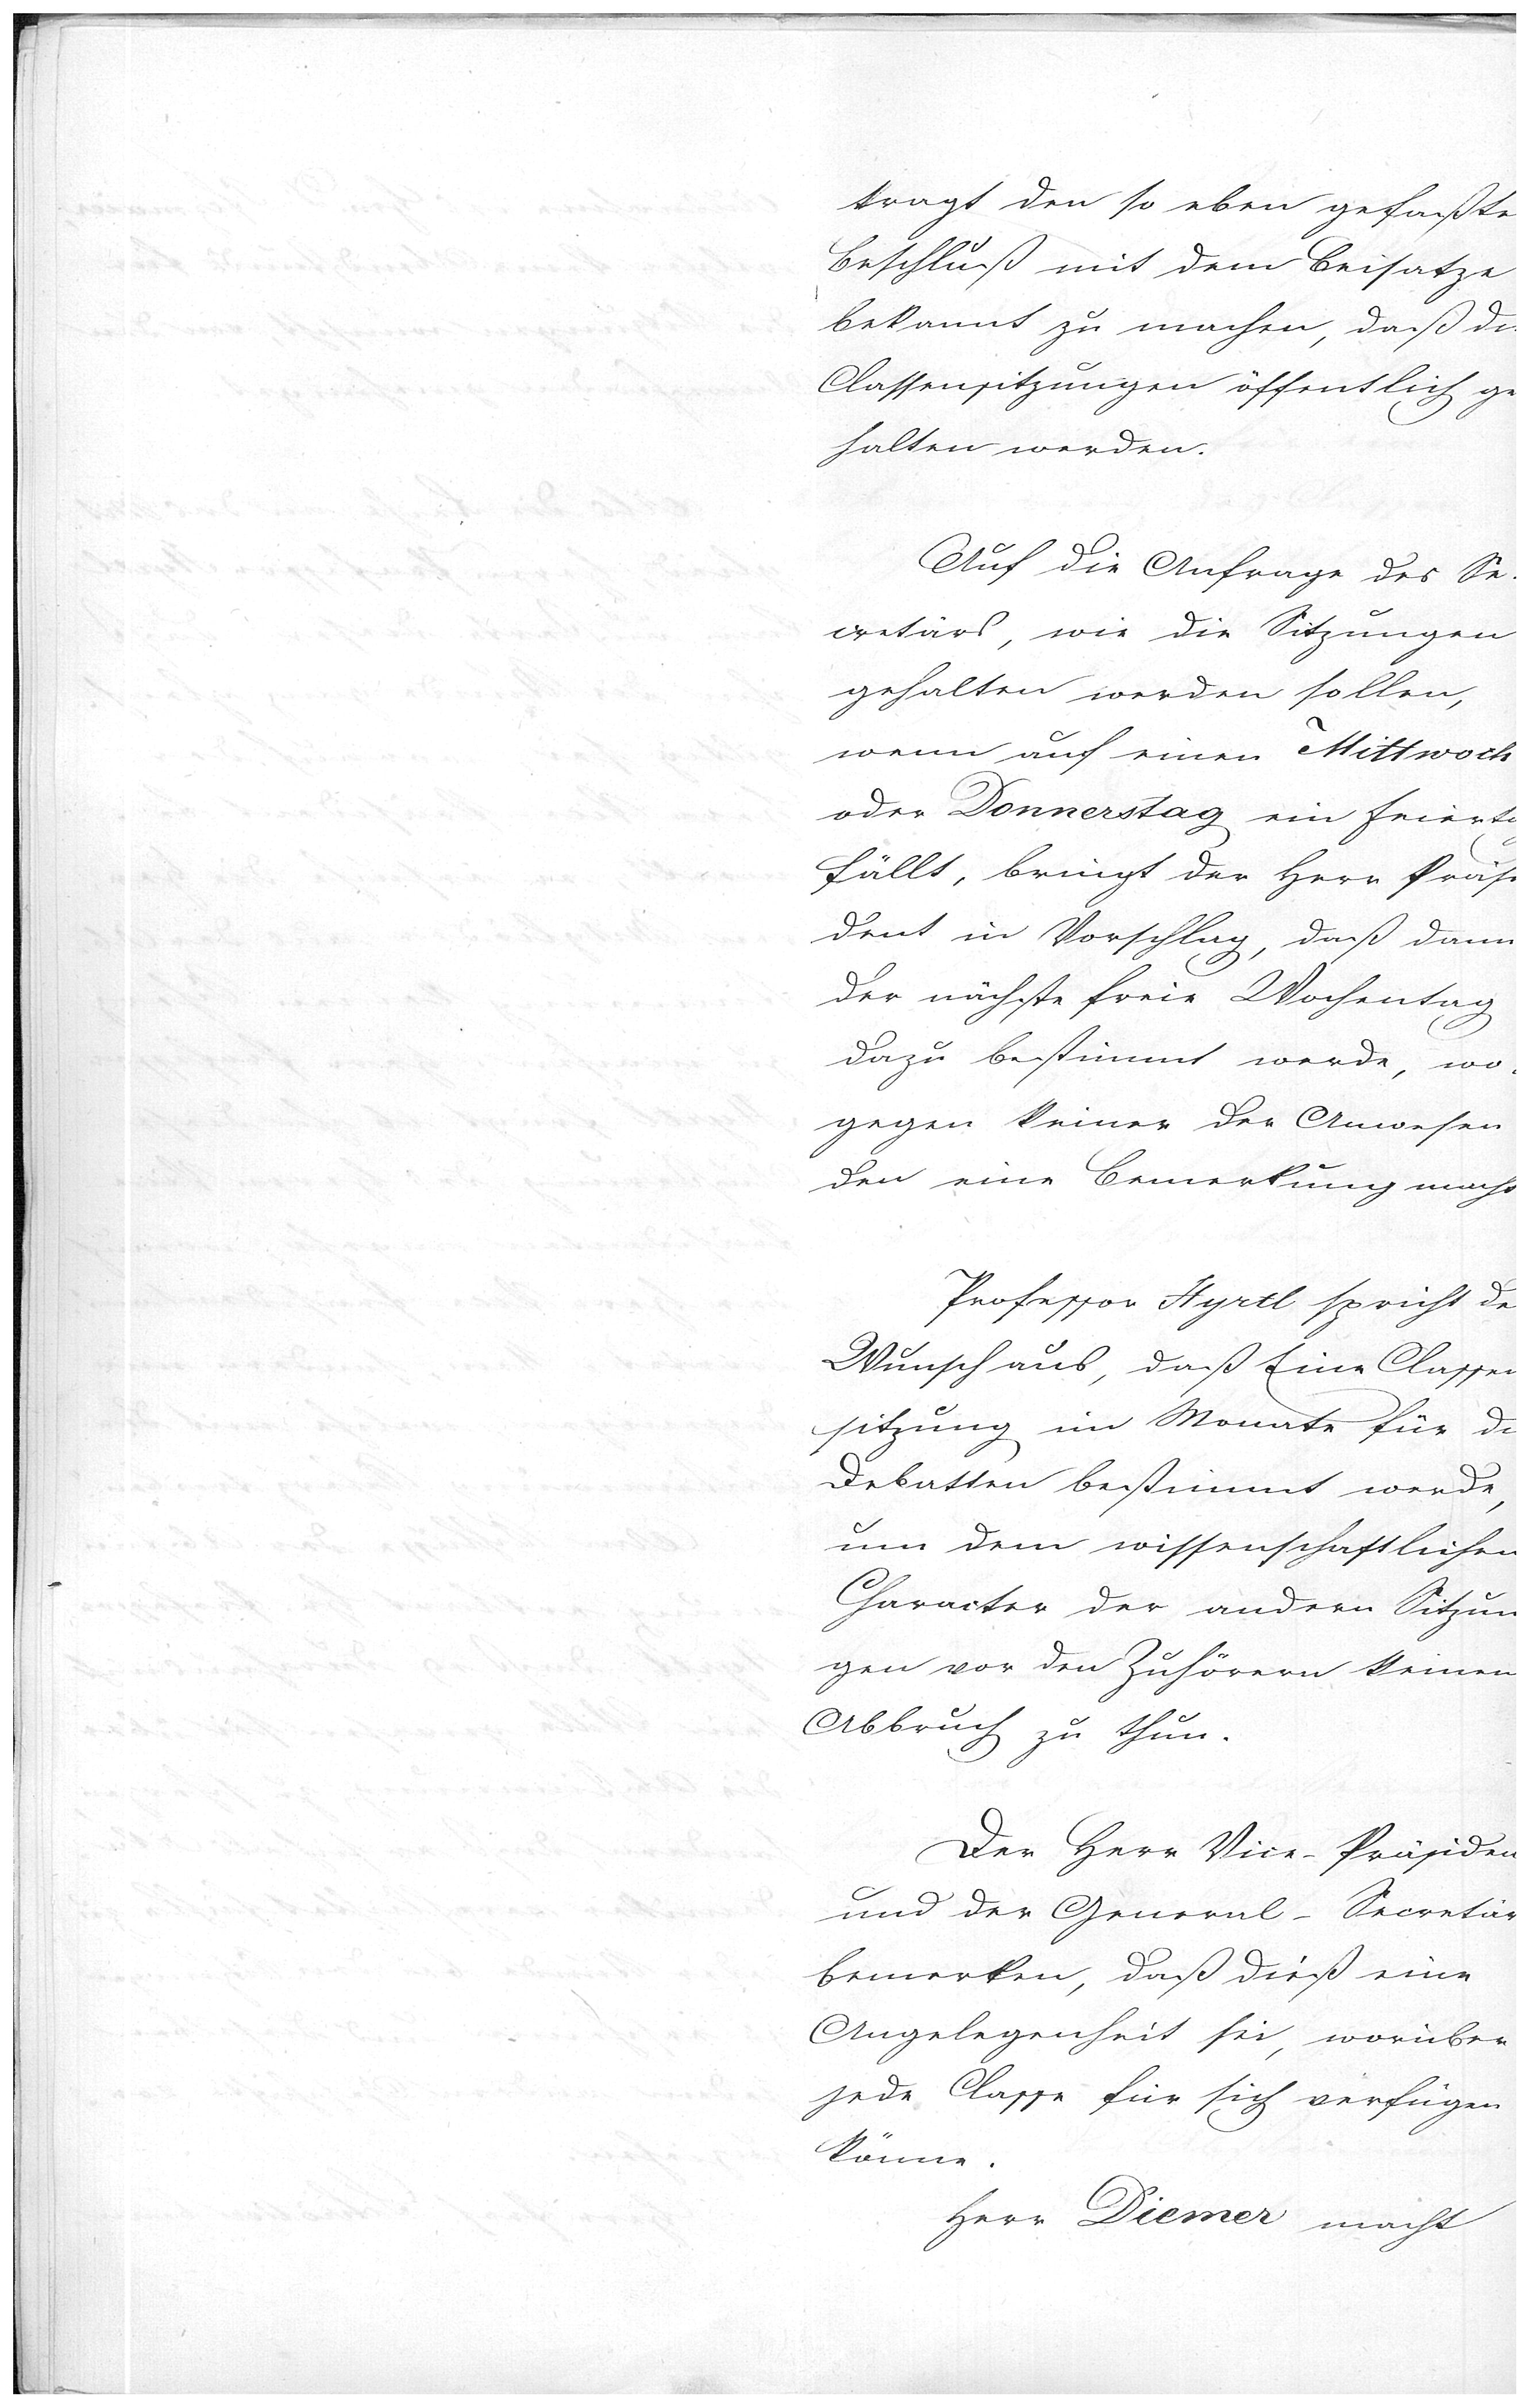tragt den so eben gefaßten
Beschluß mit dem Beisatze
bekannt zu machen daß die
Classensitzungen öffentlich ge-
halten werden.
Auf die Anfrage des Se-
cretärs, wie die Sitzungen
gehalten werden sollen,
wenn aus einen Mittwoch
oder Donnerstag ein Feiertag
hält, bringt der Herr Präsi-
dent in Vorschlag, daß dann
der nächsten freie Wochentag
dazu bestimmt werde, wo-
gegen keiner der Anwesen-
den eine Bemerkung macht.
Professor Hyrtl spricht den
Wunsch aus, daß Eine Classen-
sitzung im Monate für die
Debatten bestimmt werde,
um dem wissenschaftlichen
Character der andern Sitzun-
gen vor den Zuhörern keinen
Abbruch zu thun.
Der Herr Vice-Präsident
und der General-Secretär
bemerken, daß dieß eine
Angelegenheit sei, worüber
jede Classe für sich verfügen
könne.
Herr Diemer macht